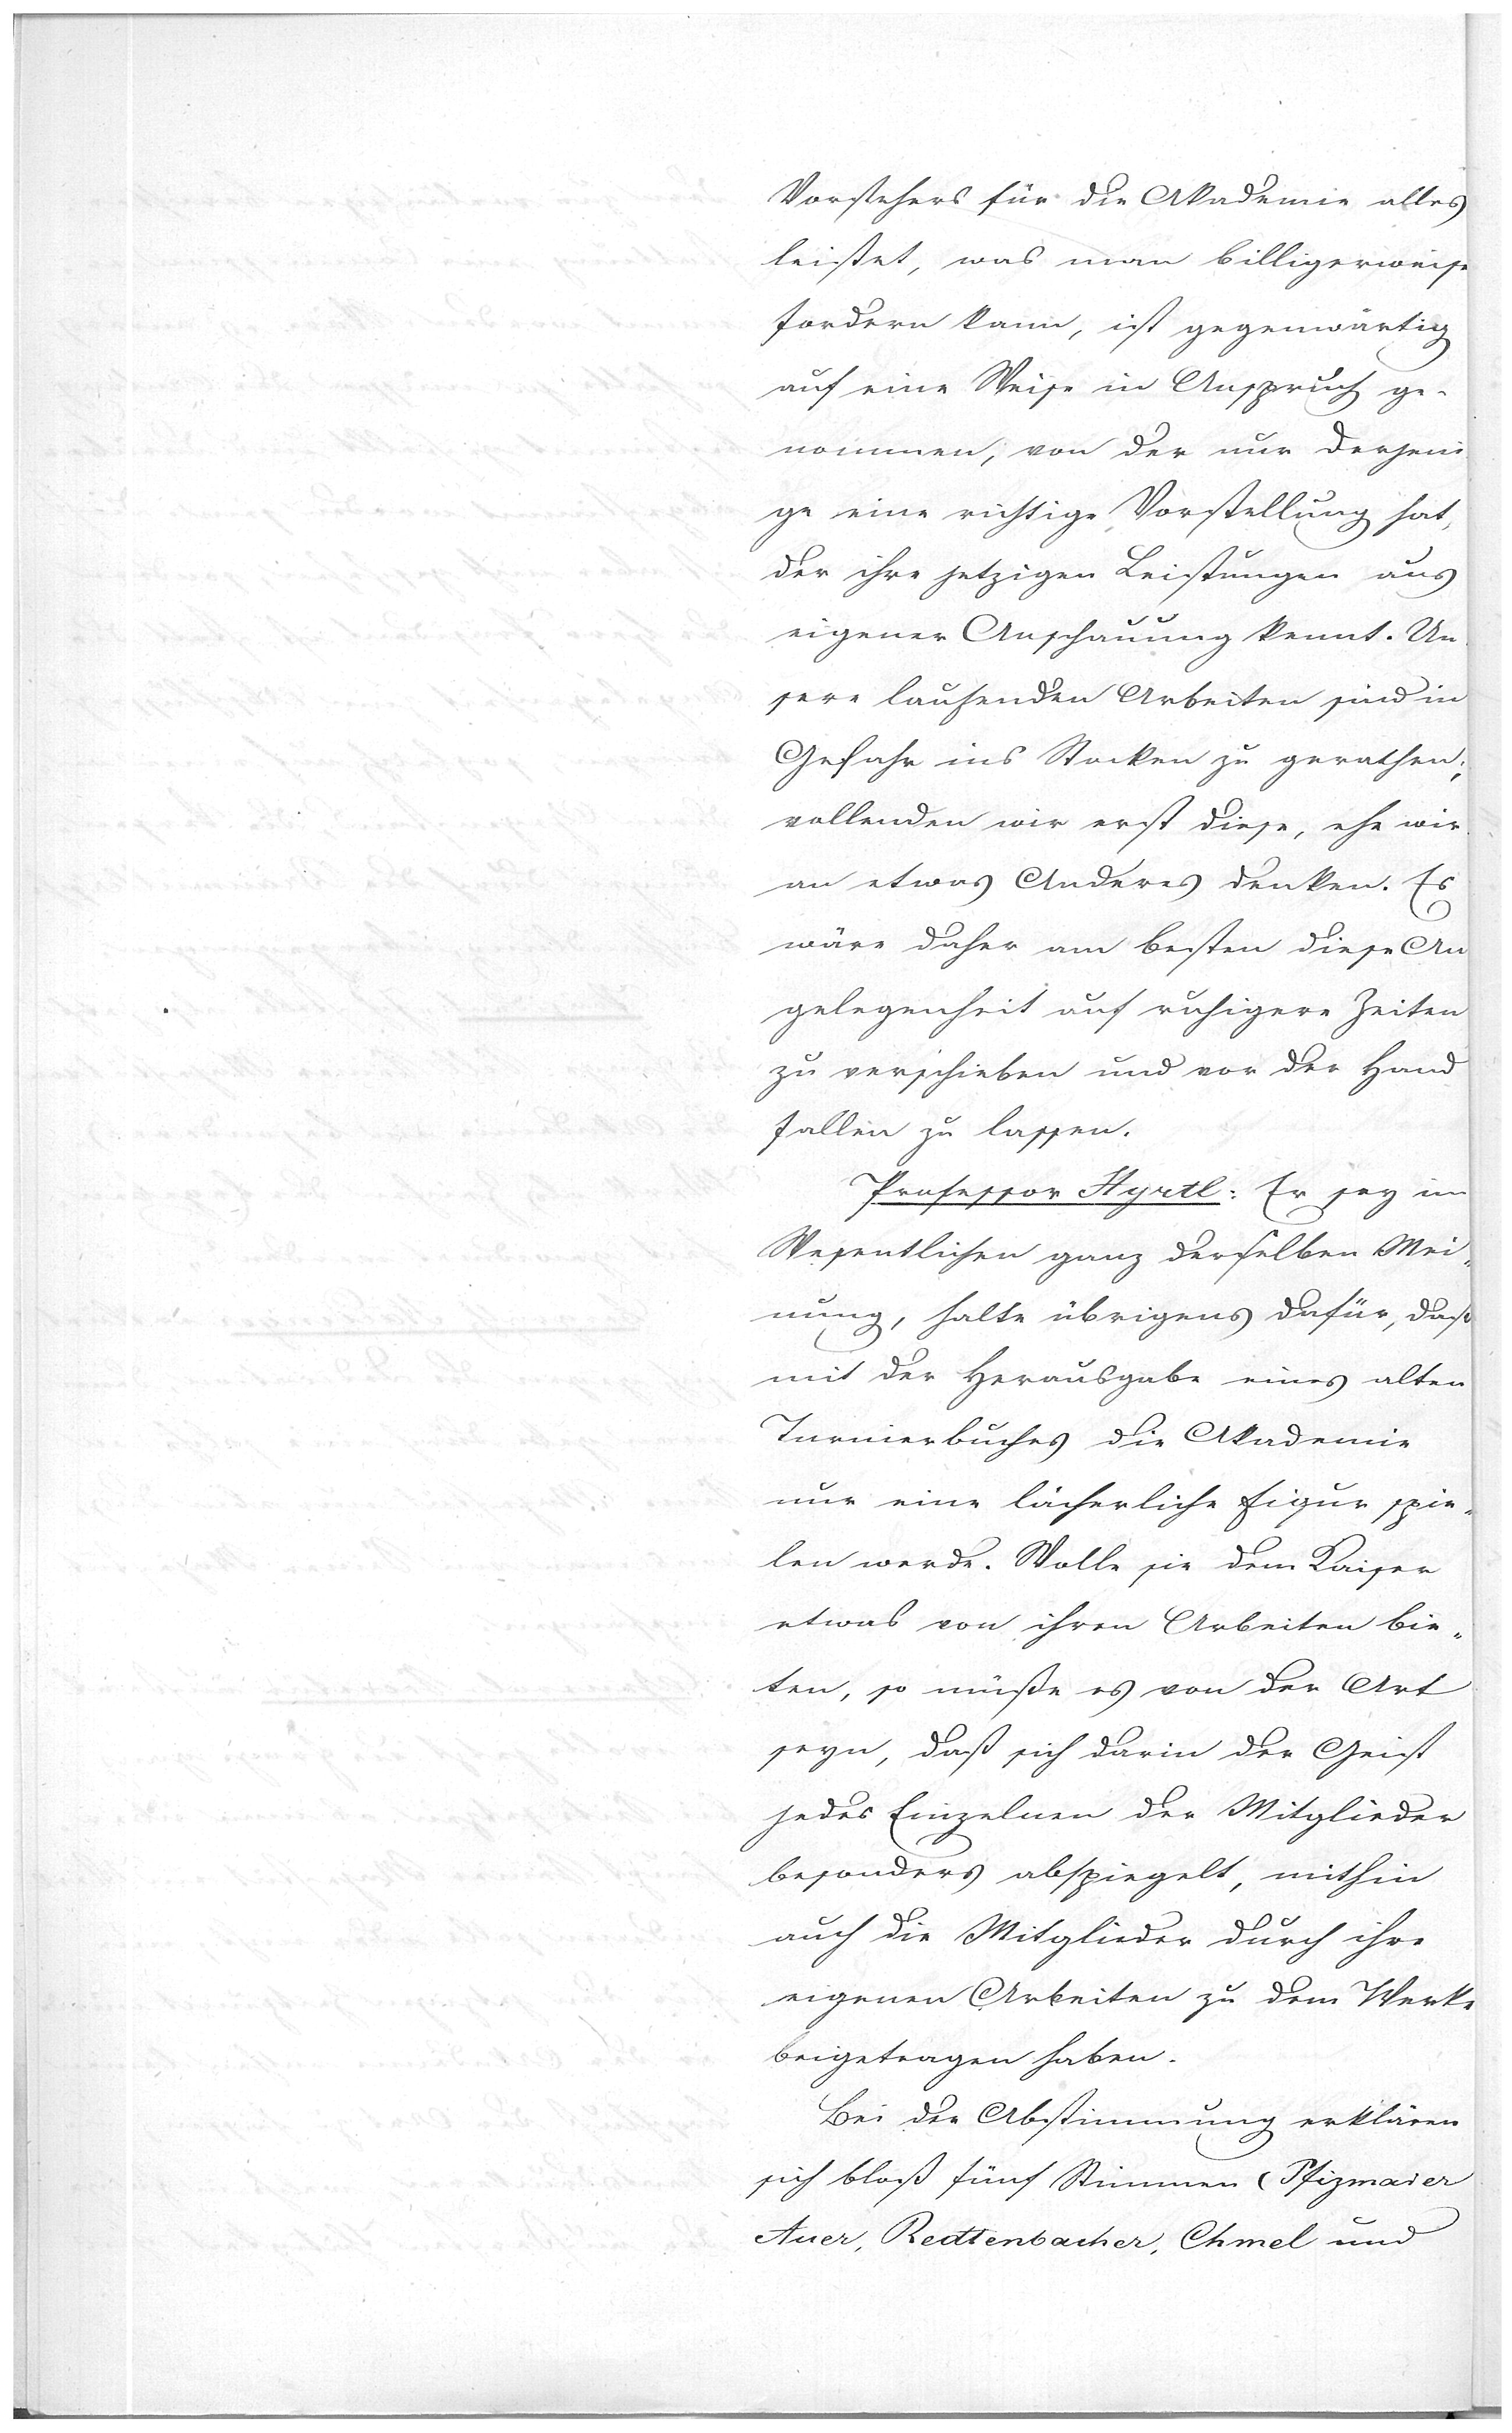Vorstehers für die Akademie alles
leistet, was man billigerweise
fordern kann, ist gegenwärtig
auf eine Weise in Anspruch ge-
nommen, von der nur derjeni-
ge eine richtigen Vorstellung hat,
der ihre jetzigen Leistungen aus
eigener Anschannng kennt. Un-
sere laufenden Arbeiten sind in
Gefahr uns Stocken zu gerathen.;
vollenden wir erst diese, ehe wir
an etwas Anderes denken. Es
wäre daher am besten diese An-
gelegenheit auf ruhigere Zeiten
zu verschieben und vor der Hand
fallen zu lassen.
Professor Hyrtl: Er sey im
Wesentlichen ganz derselben Mei-
nung, halte übrigens dafür, daß
mit der Herausgabe eines alten
Turnierbuches die Akademie
nur eine lächerliche Figur spie-
len werde. Wolle sie dem Kaiser
etwas von ihren Arbeiten bie-
ten, so müßte es von der Art
seyn, daß sich darin der Geist
jedes Einzelnen der Mitglieder
besonders abspiegelt, mithin
auch die Mitglieder durch ihre
eigenen Arbeiten zu dem Werke
beigetragen haben.
Bei die Abstimmung erklären
sich bloß fünf Stimmen (Pfizmaier
Auer, Redtenbacher, Chmel und